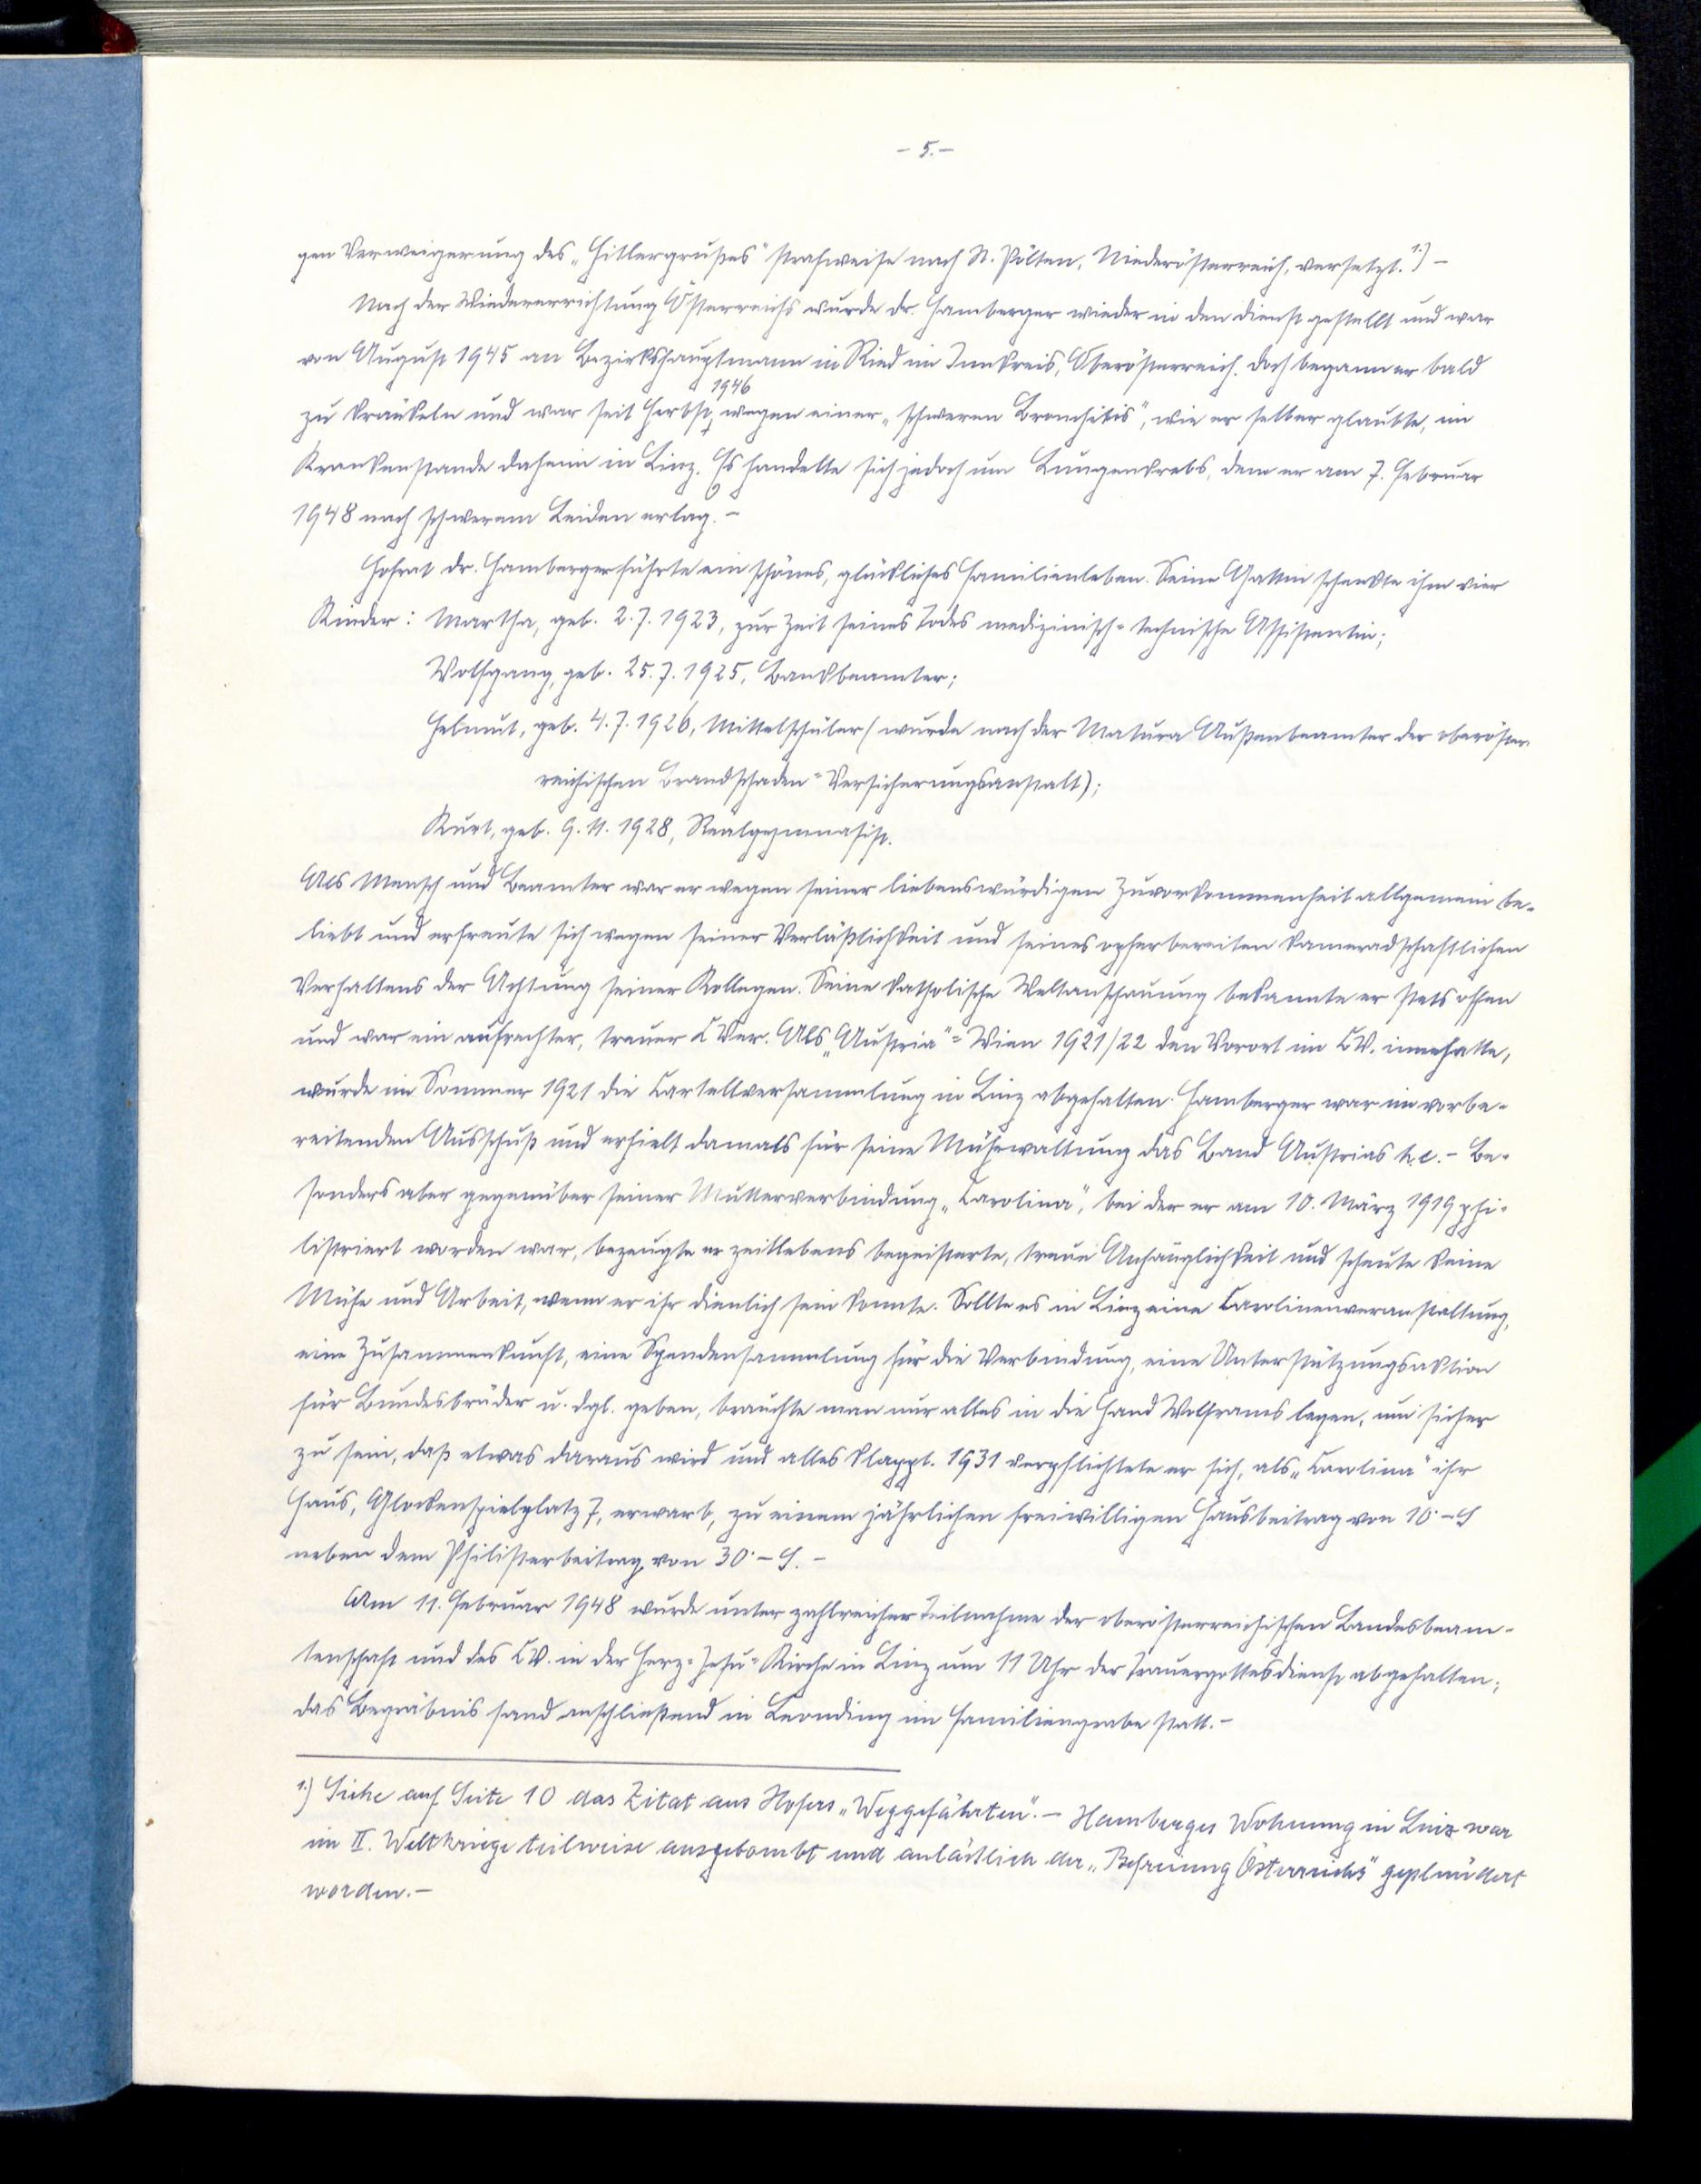5
gen Verweigerung des „Hitlergrußes“ strafweise nach St. Pölten, Niederösterreich versetzt. 1)-
Nach der Wiedererrichtung Österreichs wurde Dr. Hamberger wieder in den Dienst gestellt und war
von August 1945 an Bezirkshauptmann in Ried im Innkreis, Oberösterreich. Dort begann er bald
zu kränkeln und war seit Herbst 1946 wegen einer „schweren Bronchitis“, wie er selber glaubte, im
Krankenstande daheim in Linz. Es handelte sich jedoch um Lungenkrebs, dem er am 7. Februar
1948 nach schwerem Leiden erlag.
Hofrat Dr. Hamberger führte ein schönes, glückliches Familienleben. Seine Gattin schenkte ihm vier
Kinder: Martha, geb. 2.7.1923, zur Zeit seines Todes medizinisch-technische Assistentin;
Wolfgang, geb. 25.7.1925 Bankbeamter;
Helmut, geb. 4. 7. 1926, Mittelschüler (wurde nach der Matura Außenbeamter der oberöster-
reichischen Brandschaden - Versicherungsanstalt);
Kurt, geb. 9. 11. 1928, Paulgymnasist.
Als Mensch und Beamter war er wegen seiner liebenswürdigen Zuvorkommenheit allgemein be-
liebt und erfreute sich wegen seiner Verläßlichkeit und seines opferbereiten, kameradschaftlichen
Verhaltens der Achtung seiner Kollegen. Seine katholische Weltanschauung bekannte er stets offen
und war ein aufrechter, treuer CVer. Als „Austria" – Wien 1921/22 den Vorort im CV innehatte,
wurde im Sommer 1921 die Kartellversammlung in Linz abgehalten. Hamberger war im vorbe-
reitenden Ausschuss und erhielt damals für seine Mühewaltung das Band Austries h.c. - Be-
sonders aber gegenüber seiner Mutterverbindung "Carolina", bei der er am 10. März 1919 phi-
listriert worden war, bezeugte er zeitlebens begeisterte, treue Anhänglichkeit und scheute keine
Mühe und Arbeit, wenn er ihr dienlich sein konnte. Sollte es in Linz einen Carolinenveranstaltung,
eine Zusammenkunft, eine Spendensammlung für die Verbindung eine Unterstützungsaktion
für Bundesbrüder u. dgl. geben, bräuchte man nur alles in die Hand Wolframs legen, um sicher
zu sein, daß was daraus wird und alles klappt. 1931 verpflichtete er sich als „Carolina“ ihr
Haus, Glockenspielplatz 7, erwarb, zu einem jährlichen freiwilligen Hausbeitrag von 10 S
neben dem Philisterbeitrag von 30 S.-
Am 11. Februar 1948 wurde unter zahlreicher Teilnahme der oberösterreichischen Landesbeam-
tenschaft und des CV in der Herz-Jesu- Kirche in Linz um 11 Uhr der Trauergottesdienst abgehalten;
Das Begräbnis fand anschließend in Leonding im Familiengrabe statt.
1) Siehe auf Seite 10 das Zitat aus Hofers „Weggefährten“. - Hambergers Wohnung in Linz war
im II. Weltkriege teilweise ausgebombt und anlässlich der „Befreiung Österreichs“ geplündert
worden.